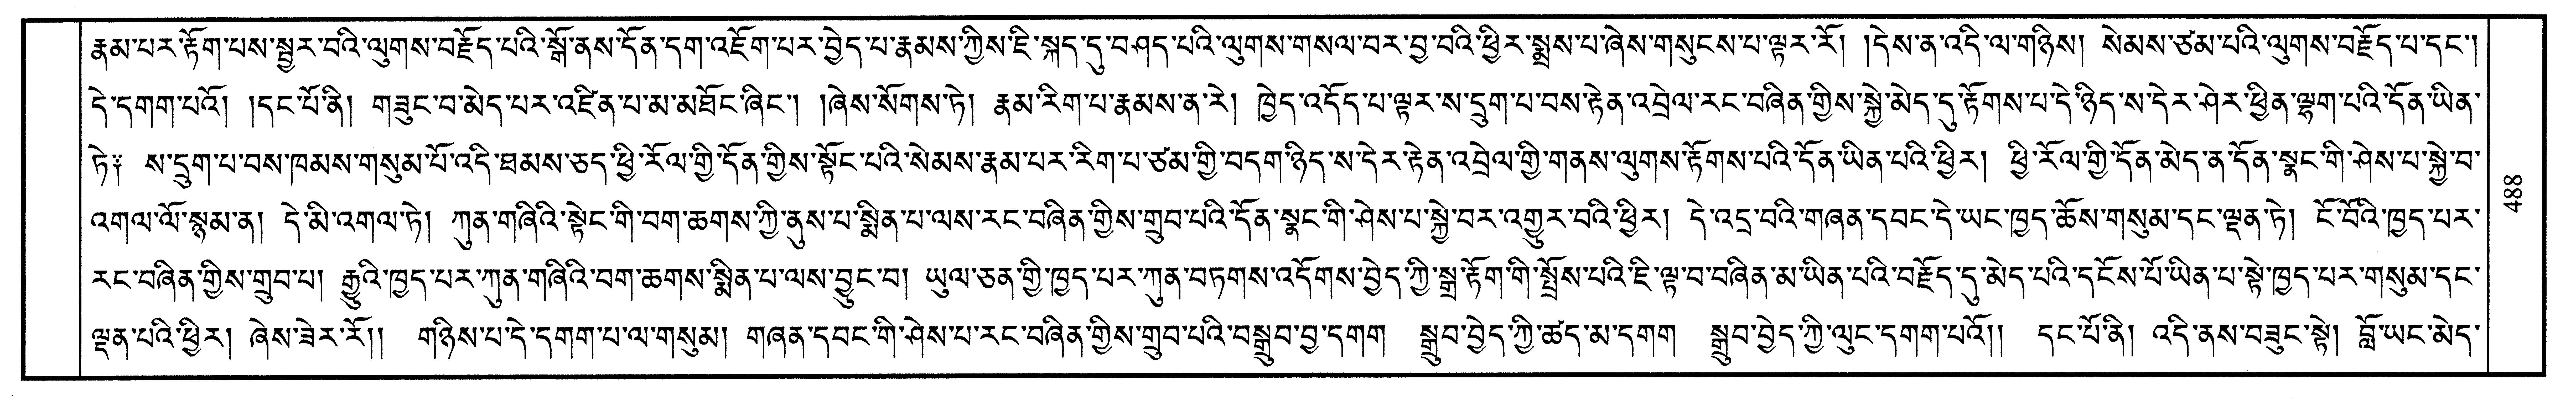རྣམ་པར་རྟོག་པས་སྦྱར་བའི་ལུགས་བརྗོད་པའི་སྒོ་ནས་དོན་དག་འཇོག་པར་བྱེད་པ་རྣམས་ཀྱིས་ཇི་སྐད་དུ་བཤད་པའི་ལུགས་གསལ་བར་བྱ་བའི་ཕྱིར་སྨྲས་པ་ཞེས་གསུངས་པ་ལྟར་རོ། །དེས་ན་འདི་ལ་གཉིས། སེམས་ཙམ་པའི་ལུགས་བརྗོད་པ་དང་།
དེ་དགག་པའོ། །དང་པོ་ནི། གཟུང་བ་མེད་པར་འཛིན་པ་མ་མཐོང་ཞིང་། །ཞེས་སོགས་ཏེ། རྣམ་རིག་པ་རྣམས་ན་རེ། ཁྱེད་འདོད་པ་ལྟར་ས་དྲུག་པ་བས་རྟེན་འབྲེལ་རང་བཞིན་གྱིས་སྐྱེ་མེད་དུ་རྟོགས་པ་དེ་ཉིད་ས་དེར་ཤེར་ཕྱིན་ལྷག་པའི་དོན་ཡིན་
ཏེ༑ ས་དྲུག་པ་བས་ཁམས་གསུམ་པོ་འདི་ཐམས་ཅད་ཕྱི་རོལ་གྱི་དོན་གྱིས་སྟོང་པའི་སེམས་རྣམ་པར་རིག་པ་ཙམ་གྱི་བདག་ཉིད་ས་དེར་རྟེན་འབྲེལ་གྱི་གནས་ལུགས་རྟོགས་པའི་དོན་ཡིན་པའི་ཕྱིར། ཕྱི་རོལ་གྱི་དོན་མེད་ན་དོན་སྣང་གི་ཤེས་པ་སྐྱེ་བ་
འགལ་ལོ་སྙམ་ན། དེ་མི་འགལ་ཏེ། ཀུན་གཞིའི་སྟེང་གི་བག་ཆགས་ཀྱི་ནུས་པ་སྨིན་པ་ལས་རང་བཞིན་གྱིས་གྲུབ་པའི་དོན་སྣང་གི་ཤེས་པ་སྐྱེ་བར་འགྱུར་བའི་ཕྱིར། དེ་འདྲ་བའི་གཞན་དབང་དེ་ཡང་ཁྱད་ཆོས་གསུམ་དང་ལྡན་ཏེ། ངོ་བོའི་ཁྱད་པར་
རང་བཞིན་གྱིས་གྲུབ་པ། རྒྱུའི་ཁྱད་པར་ཀུན་གཞིའི་བག་ཆགས་སྨིན་པ་ལས་བྱུང་བ། ཡུལ་ཅན་གྱི་ཁྱད་པར་ཀུན་བཏགས་འདོགས་བྱེད་ཀྱི་སྒྲ་རྟོག་གི་སྤྲོས་པའི་ཇི་ལྟ་བ་བཞིན་མ་ཡིན་པའི་བརྗོད་དུ་མེད་པའི་དངོས་པོ་ཡིན་པ་སྟེ་ཁྱད་པར་གསུམ་དང་
ལྡན་པའི་ཕྱིར། ཞེས་ཟེར་རོ།། གཉིས་པ་དེ་དགག་པ་ལ་གསུམ། གཞན་དབང་གི་ཤེས་པ་རང་བཞིན་གྱིས་གྲུབ་པའི་བསྒྲུབ་བྱ་དགག་སྒྲུབ་བྱེད་ཀྱི་ཚད་མ་དགག །སྒྲུབ་བྱེད་ཀྱི་ལུང་དགག་པའོ།། དང་པོ་ནི། འདི་ནས་བཟུང་སྟེ། བློ་ཡང་མེད་